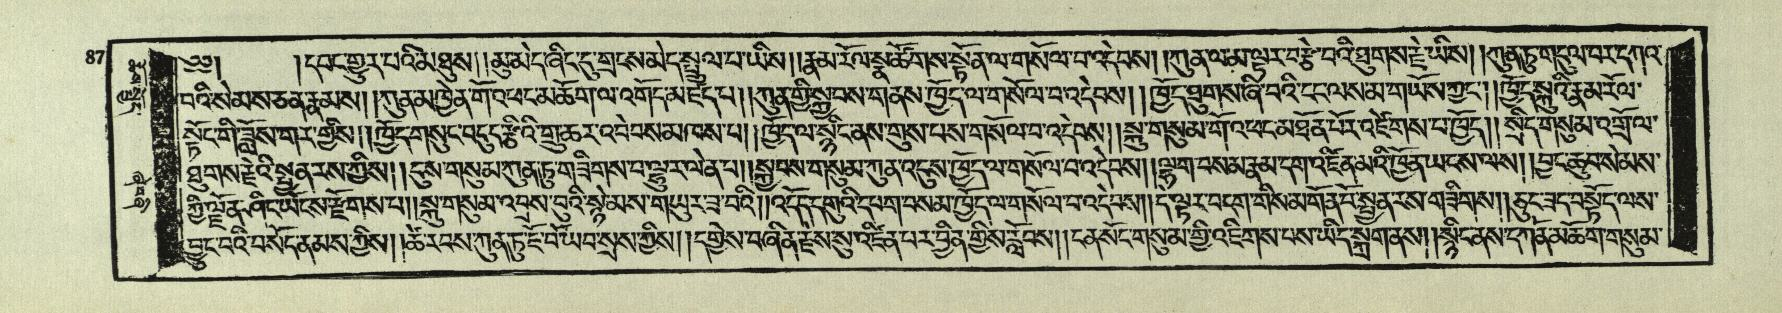༄༅། །དབང་གྱུར་པའི་མཐུས། །མུ་མེད་ཞིང་དུ་གྲངས་མེད་སྤྲུལ་པ་ཡིས། །རྣམ་རོལ་སྣ་ཚོགས་སྟོན་ལ་གསོལ་བ་འདེབས། །ཀུན་ལ་མ་ལྟར་བརྩེ་བའི་ཐུགས་རྗེ་ཡིས། །ཀུན་ཏུ་གདུལ་བར་དཀའ་
བའི་སེམས་ཅན་རྣམས། །ཀུན་མཁྱེན་གོ་འཕང་མཆོག་ལ་འགོད་མཛད་པ། །ཀུན་གྱི་སྐྱབས་གནས་ཁྱོད་ལ་གསོལ་བ་འདེབས། །ཁྱོད་ཐུགས་ཞི་བའི་ངང་ལས་མ་གཡོས་ཀྱང་། །ཁྱོད་སྐུའི་རྣམ་རོལ་
སྟོང་གི་ཟློས་གར་གྱིས། །ཁྱོད་གསུང་བདུད་རྩིའི་གྲུ་ཆར་འབེབས་མཁས་པ། །ཁྱོད་ལ་སྙིང་ནས་གུས་པས་གསོལ་བ་འདེབས། །སྐུ་གསུམ་གོ་འཕང་མཐོན་པོར་འཛེགས་པ་ཁྱོད། །སྲིད་གསུམ་འགྲོ་ལ་
ཐུགས་རྗེའི་སྤྱན་རས་ཀྱིས། །དུས་གསུམ་ཀུན་ཏུ་གཟིགས་བ་ལྷུར་ལེན་པ། །སྐྱབས་གསུམ་ཀུན་འདུས་ཁྱོད་ལ་གསོལ་བ་འདེབས། །ལྷག་བསམ་རྣམ་དག་འཛིན་མའི་ཁྱོན་ཡངས་ལས། །བྱང་ཆུབ་སེམས་
ཀྱི་ལྗོན་ཤིང་ཡོངས་རྫོགས་པ། །སྐུ་གསུམ་འབྲས་བུའི་སྙེ་མས་གཡུར་ཟ་བའི། །འདོད་དགུའི་དཔག་བསམ་ཁྱོད་ལ་གསོལ་བ་འདེབས། །དེ་ལྟར་བདག་གིས་མགོན་པོ་སྤྱན་རས་གཟིགས། །ཅུང་ཟད་བསྟོད་ལས་
བྱུང་བའི་བསོད་ནམས་ཀྱིས། །ཚེ་རབས་ཀུན་ཏུ་ཇོ་བོ་ཡབ་སྲས་ཀྱིས། །དགྱེས་བཞིན་རྗེས་སུ་འཛིན་པར་བྱིན་གྱིས་རློབས། །ངན་སོང་གསུམ་གྱི་འཇིགས་པས་ཡིད་སྐྲག་ནས། །སྙིང་ནས་དཀོན་མཆོག་གསུམ་